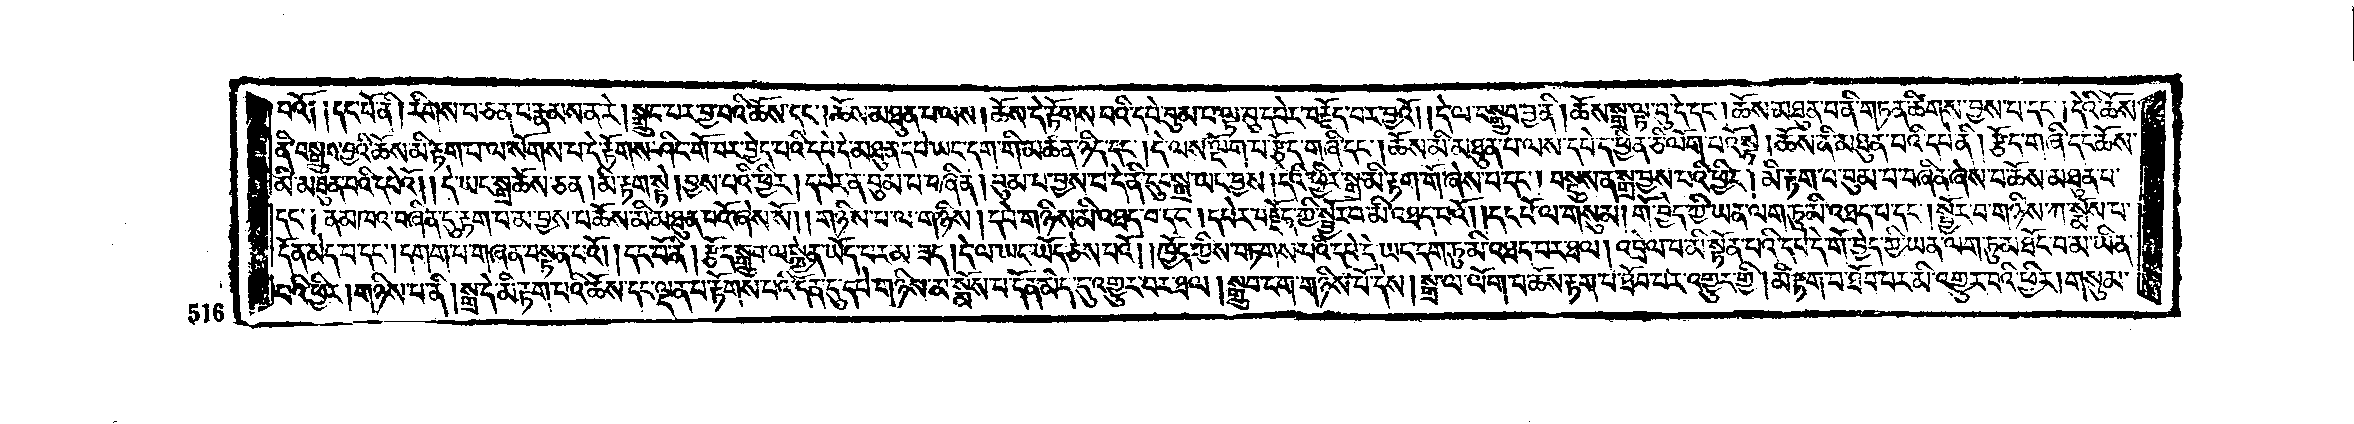པའོ༑ ༑དང་པོ་ནི། རིགས་པ་ཅན་པ་རྣམས་ན་རེ། སྒྲུབ་པར་བྱ་བའི་ཆོས་དང་། ཆོས་མཐུན་པ་ལས། ཆོད་དེ་རྟོགས་པའི་དཔེ་བུམ་པ་ལྟ་བུ་དཔེར་བརྗོད་པར་བྱའོ། །དེ་ལ་བསྒྲུབ་བྱ་ནི། ཆོས་སྒྲ་ལྟ་བུ་དེ་དང་། ཆོས་མཐུན་པ་ནི་གཏན་ཚིགས་བྱས་པ་དང་། དེའི་ཆོས་
ནི་བསྒྲུབ་བྱའི་ཆོས་མི་རྟག་པ་ལ་སོགས་པ་དེ་རྟོགས་ཤིང་གོ་བར་བྱེད་པའི་དཔེ་དེ་མཐུན་དཔེ་ཡང་དག་གི་མཚན་ཉིད་དང་། དེ་ལས་ལྡོག་པ་རྩོད་གཞི་དང་། ཆོས་མི་མཐུན་པ་ལས་དཔེ་དེ་ཕྱིན་ཅི་ལོག་པའོ་སྟེ། ཆོས་ནི་མཐུན་པའི་དཔེ་ནི། རྩོད་གཞི་དང་ཆོས་
མི་མཐུན་པའི་དཔེའོ། །དེ་ཡང་སྒྲ་ཆོས་ཅན། མི་རྟག་སྟེ། བྱས་པའི་ཕྱིར། དཔེར་ན་བུམ་པ་བཞིན། བུམ་པ་བྱས་པ་དེ་ནི་དུང་སྲ་ཡང་བྱས། དེའི་ཕྱིར་སྒྲ་མི་རྟག་གོ་ཞེས་པ་དང་། བསྡུས་ན་སྒྲ་བྱས་པའི་ཕྱིར། མི་རྟག་པ་བུམ་པ་བཞིན་ཞེས་པ་ཆོས་མཐུན་པ་
དང༑ ནམ་མཁའ་བཞིན་དུ་རྟག་པ་མ་བྱས་པ་ཆོས་མི་མཐུན་པའོ་ཞེས་སོ། །གཉིས་པ་ལ་གཉིས། དཔེ་གཉིས་མི་འཐད་པ་དང་། དཔེར་བརྗོད་ཀྱི་སྦྱོར་བ་མི་འཐད་པའོ། །དང་པོ་ལ་གསུམ། གོ་བྱེད་ཀྱི་ཡན་ལག་ཏུ་མི་འཐད་པ་དང་། སྦྱོར་བ་གཉིས་ཀ་སྨོས་པ་
དོན་མེད་པ་དང་། དགག་པ་གཞན་བསྟན་པའོ། །དང་པོ་ནི། རྩོད་སྒྲུབ་ལ་སྐྱེན་ཡོད་པར་མ་ཟད། དེ་ལ་ཡང་ཡོད་ཅེས་པའོ། །ཁྱོད་ཀྱིས་བཏགས་པའི་དཔེ་དེ་ཡང་དག་ཏུ་མི་འཐད་པར་ཐལ། འབྲེལ་པ་མི་སྟོན་པའི་དཔེ་དེ་གོ་བྱེད་ཀྱི་ཡན་ལག་ཏུ་མཐོང་བ་མ་ཡིན་
པའི་ཕྱིར། གཉིས་པ་ནི། སྒྲ་དེ་མི་རྟག་པའི་ཆོས་དང་ལྡན་པ་རྟོགས་པའི་དོན་དུ་དཔེ་གཉིས་མ་སྨོས་པ་དོན་མེད་དུ་འགྱུར་བར་ཐལ། སྒྲུབ་ངག་གཉིས་པོ་དེས། སྒྲ་ལ་ལོག་པ་ཆོས་རྟག་པ་ཐོབ་པར་འགྱུར་གྱི་།མི་རྟག་པ་ཐོབ་པར་མི་འགྱུར་པའི་ཕྱིར། གསུམ་